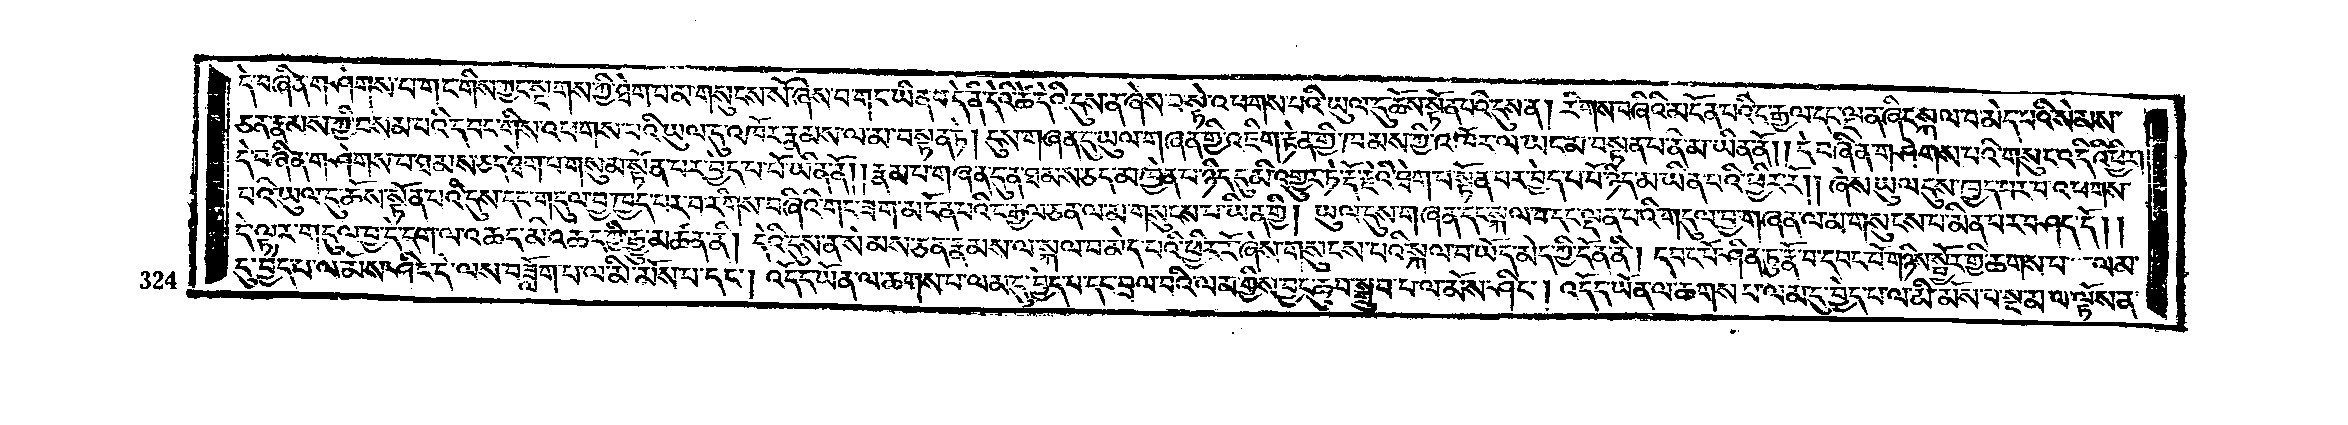དེ་བཞིན་གཤེགས་པ་གང་གིས་ཀྱང་སྔགས་ཀྱི་ཐེག་པ་མ་གསུངས་སོ་ཞེས་པ་གང་ཡིན་པ་དེ་ནི་དེའི་ཚེ་དེའི་དུས་ན་ཞེས་པ་སྟེ་འཕགས་པའི་ཡུལ་དུ་ཆོས་སྟོན་པའི་དུས་ན། རིགས་བཞིའི་མངོན་པའི་ང་རྒྱལ་དང་ལྡན་ཞིང་སྐལ་བ་མེད་པའི་སེམས་
ཅན་རྣམས་ཀྱི་བསམ་པའི་དབང་གིས་འཕགས་པའི་ཡུལ་དུ་འཁོར་རྣམས་ལ་མ་བསྟན་ཏེ། དུས་གཞན་དུ་ཡུལ་གཞན་གྱི་འཇིག་རྟེན་གྱི་ཁམས་ཀྱི་འཁོར་ལ་ཡང་མ་བསྟན་པ་ནི་མ་ཡིན་ནོ། །དེ་བཞིན་གཤེགས་པའི་གསུང་འདིའི་ཕྱིར།
དེ་བཞིན་གཤེགས་པ་ཐམས་ཅད་ཐེག་པ་གསུམ་སྟོན་པར་བྱེད་པ་པོ་ཡིན་ནོ། །རྣམ་པ་གཞན་དུ་ན་ཐམས་ཅད་མཁྱེན་པ་ཉིད་དུ་མི་འགྱུར་ཏེ་རྡོ་རྗེའི་ཐེག་པ་སྟོན་པར་བྱེད་པ་པོ་ཉིད་མ་ཡིན་པའི་ཕྱིར་རོ། །ཞེས་ཡུལ་དུས་ཁྱད་པར་བ་འཕགས་
པའི་ཡུལ་དུ་ཆོས་སྟོན་པའི་དུས་དང་གདུལ་བྱ་ཁྱད་པར་བ་རིགས་བཞིའི་གང་ཟག་མངོན་པའི་ང་རྒྱལ་ཅན་ལ་མ་གསུངས་པ་ཡིན་གྱི། ཡུལ་དུས་གཞན་དང་སྐལ་བ་དང་ལྡན་པའི་གདུལ་བྱ་གཞན་ལ་མ་གསུངས་པ་མིན་པར་བཤད་དོ། །
དེ་ལྟར་གདུལ་བྱ་དེ་དག་ལ་འཆད་མི་འཆད་ཀྱི་རྒྱུ་མཚན་ནི། དེའི་དུས་ན་སེམས་ཅན་རྣམས་ལ་སྐལ་བ་མེད་པའི་ཕྱིར་རོ་ཞེས་གསུངས་པའི་སྐལ་བ་ཡོད་མེད་ཀྱི་དོན་ནི། དབང་པོ་ཤིན་ཏུ་རྣོ་བ་དབང་པོ་གཉིས་སྦྱོར་གྱི་ཆགས་པ་ལམ་
དུ་བྱེད་པ་ལ་མོས་ཤིང་དེ་ལས་བཟློག་པ་ལ་མི་མོས་པ་དང་། འདོད་ཡོན་ལ་ཆགས་པ་ལམ་དུ་བྱེད་པ་དང་བྲལ་བའི་ལམ་གྱིས་བྱང་ཆུབ་སྒྲུབ་པ་ལ་མོས་ཤིང་། འདོད་ཡོན་ལ་ཆགས་པ་ལམ་དུ་བྱེད་པ་ལ་མི་མོས་པ་སྔ་མ་ལ་ལྟོས་ན་